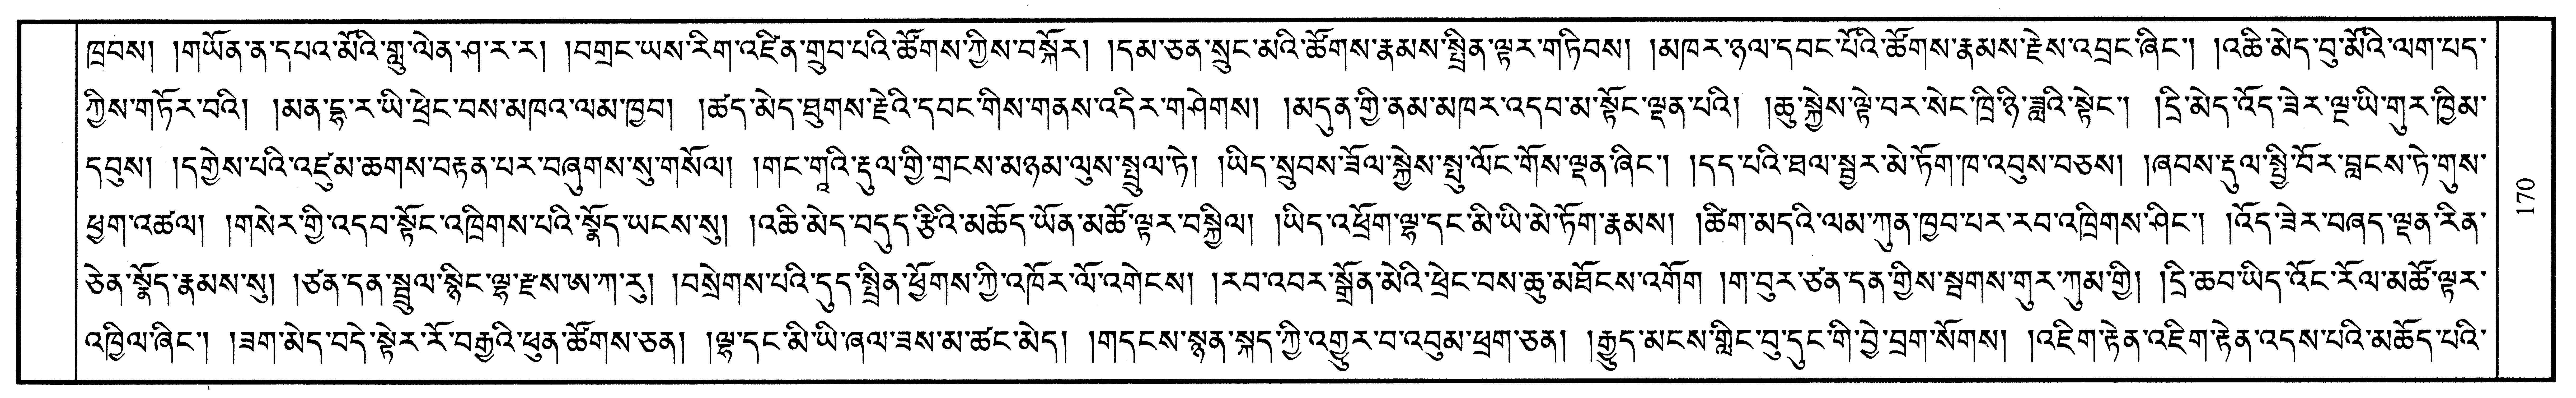ཁྲབས། །གཡོན་ན་དཔའ་མོའི་གླུ་ལེན་ཤ་ར་ར། །བགྲང་ཡས་རིག་འཛིན་གྲུབ་པའི་ཚོགས་ཀྱིས་བསྐོར། །དམ་ཅན་སྲུང་མའི་ཚོགས་རྣམས་སྤྲིན་ལྟར་གཏིབས། །མཁར་ཉལ་དབང་པོའི་ཚོགས་རྣམས་རྗེས་འབྲང་ཞིང་། །འཆི་མེད་བུ་མོའི་ལག་པད་
ཀྱིས་གཏོར་བའི། །མན་དྷ་ར་ཡི་ཕྲེང་བས་མཁའ་ལམ་ཁྱབ། །ཚད་མེད་ཐུགས་རྗེའི་དབང་གིས་གནས་འདིར་གཤེགས། །མདུན་གྱི་ནམ་མཁར་འདབ་མ་སྟོང་ལྡན་པའི། །ཆུ་སྐྱེས་ལྟེ་བར་སེང་ཁྲི་ཉི་ཟླའི་སྟེང་། །དྲི་མེད་འོད་ཟེར་ལྔ་ཡི་གུར་ཁྱིམ་
དབུས། །དགྱེས་པའི་འཛུམ་ཆགས་བརྟན་པར་བཞུགས་སུ་གསོལ། །གང་གཱའི་རྡུལ་གྱི་གྲངས་མཉམ་ལུས་སྤྲུལ་ཏེ། །ཡིད་སྲུབས་ཟོལ་སྐྱེས་སྤུ་ལོང་གོས་ལྡན་ཞིང་། །དད་པའི་ཐལ་སྦྱར་མེ་ཏོག་ཁ་འབུས་བཅས། །ཞབས་རྡུལ་སྤྱི་བོར་བླངས་ཏེ་གུས་
ཕྱག་འཚལ། །གསེར་གྱི་འདབ་སྟོང་འཁྲིགས་པའི་སྣོད་ཡངས་སུ། །འཆི་མེད་བདུད་རྩིའི་མཆོད་ཡོན་མཚོ་ལྟར་བསྐྱིལ། །ཡིད་འཕྲོག་ལྷ་དང་མི་ཡི་མེ་ཏོག་རྣམས། །ཚིག་མདའི་ལམ་ཀུན་ཁྱབ་པར་རབ་འཁྲིགས་ཤིང་། །འོད་ཟེར་བཞད་ལྡན་རིན་
ཅེན་སྣོད་རྣམས་སུ། །ཙན་དན་སྦྲུལ་སྙིང་ལྷ་རྫས་ཨ་ཀ་རུ། །བསྲེགས་པའི་དུད་སྤྲིན་ཕྱོགས་ཀྱི་འཁོར་ལོ་འགེངས། །རབ་འབར་སྒྲོན་མེའི་ཕྲེང་བས་ཆུ་མཐོངས་འགོག །ག་བུར་ཙན་དན་གྱིས་སྦགས་གུར་ཀུན་གྱི། །དྲི་ཆབ་ཡིད་འོང་རོལ་མཚོ་ལྟར་
འཁྱིལ་ཞིང་། །ཟག་མེད་བདེ་སྟེར་རོ་བརྒྱའི་ཕུན་ཚོགས་ཅན། །ལྷ་དང་མི་ཡི་ཞལ་ཟས་མ་ཚང་མེད། །གདངས་སྙན་སྐད་ཀྱི་འགྱུར་བ་འབུམ་ཕྲག་ཅན། །རྒྱུད་མངས་གླིང་བུ་དུང་གི་བྱེ་བྲག་སོགས། །འཇིག་རྟེན་འཇིག་རྟེན་འདས་པའི་མཆོད་པའི་